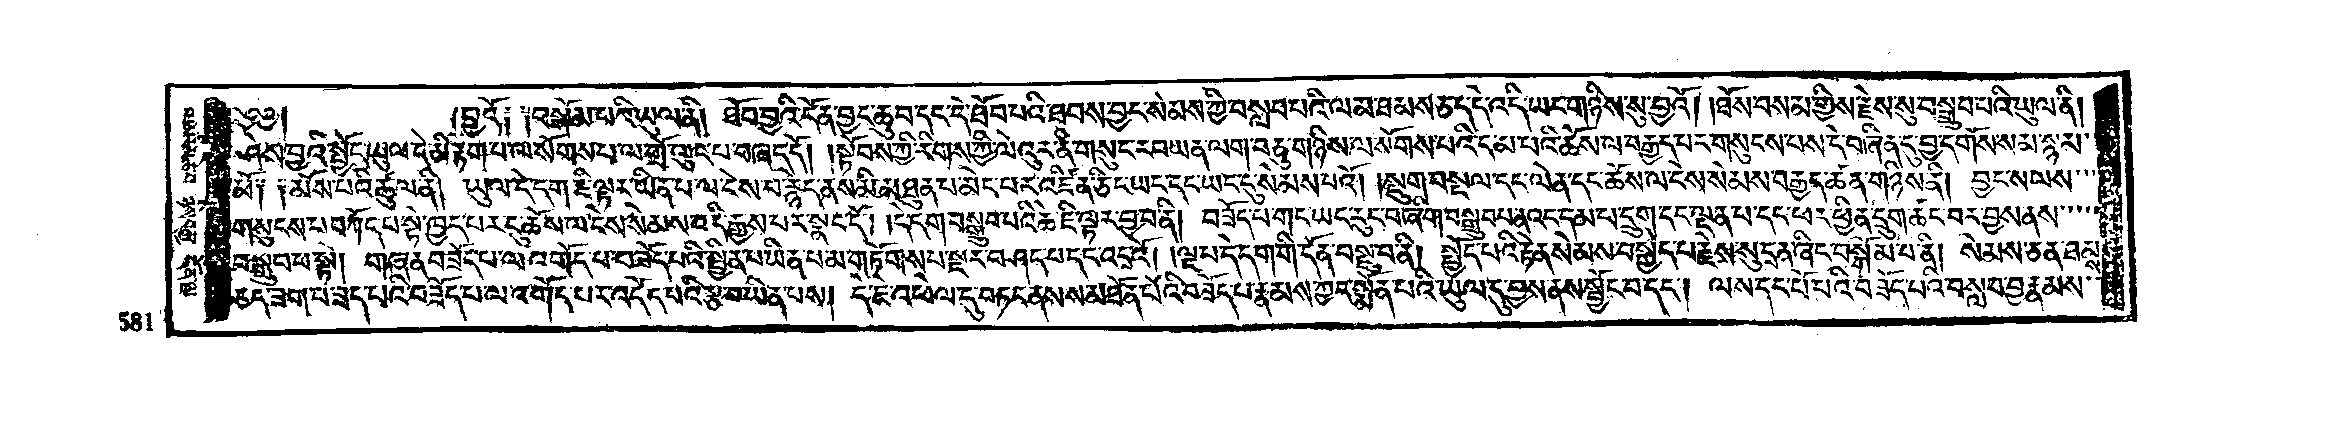༄༅། །བྱའོ༑ ༑བསྒོམ་པའི་ཡུལ་ནི། ཐོབ་བྱའི་དོན་བྱང་ཆུབ་དང་དེ་ཐོབ་པའི་ཐབས་བྱང་སེམས་ཀྱི་བསླབ་པའི་ལམ་ཐམས་ཅད་དེ་འདི་ཡང་གཉིས་སུ་བྱའོ། །ཐོས་བསམ་གྱིས་རྗེས་སུ་བསྒྲུབ་པའི་ཡུལ་ནི།
ཤེས་བྱའི་སྤྱོད་ཡུལ་དེ་མི་རྟག་པ་ལ་སོགས་པ་ལ་གྲོ་ལུང་པ་བཞེད་དོ། །སྟོབས་ཀྱི་རིགས་ཀྱི་ལེའུར་ནི་གསུང་རབ་ཡན་ལག་བཅུ་གཉིས་ལ་སོགས་པའི་དམ་པའི་ཆོས་ལ་བརྒྱད་པར་གསུངས་པས་དེ་བཞིན་དུ་བྱ་དགོས་སམ་སྙམ་
མོ༑ ༑མོས་པའི་ཚུལ་ནི། ཡུལ་དེ་དག་ཇི་ལྟར་ཡིན་པ་ལ་ངེས་པ་རྙེད་ནས་མི་མཐུན་པ་མེད་པར་འཛིན་ཅིང་ཡང་དང་ཡང་དུ་སེམས་པའོ། །སྡུག་བསྔལ་དང་ལེན་དང་ཆོས་ལ་ངེས་སེམས་བརྒྱད་ཚན་གཉིས་ནི། བྱང་ས་ལས་
གསུངས་པ་བཀོད་པ་སྟེ་ཁྱད་པར་དུ་ཆོས་ལ་ངེས་སེམས་འདི་རྒྱས་པར་སྣང་ངོ། །དེ་དག་བསྒྲུབ་པའི་ཚེ་ཇི་ལྟར་བྱ་བ་ནི། བཟོད་པ་གང་ཡང་རུང་བ་ཞིག་བསྒྲུབ་པ་ནའང་དམ་པ་དྲུག་དང་ལྡན་པ་དང་ཕར་ཕྱིན་དྲུག་ཚང་བར་བྱས་ནས་
བསྒྲུབ་པ་སྟེ། གཞན་བཟོད་པ་ལ་འགོད་པ་བཟོད་པའི་སྦྱིན་པ་ཡིན་པ་མ་གཏོགས་པ་སྔར་བཤད་པ་དང་འདྲའོ། །ལྔ་པ་དེ་དག་གི་དོན་བསྡུ་བ་ནི། སྤྱོད་པའི་རྟེན་སེམས་བསྐྱེད་པ་རྗེས་སུ་དྲན་ཞིང་བསྒོམ་པ་ནི། སེམས་ཅན་ཐམས་
ཅད་ཟག་པ་ཟད་པའི་བཟོད་པ་ལ་འགོད་པར་འདོད་པའི་རྩ་བ་ཡིན་པས། དེ་ཇེ་འཕེལ་དུ་བཏང་ནས་ས་མཐོན་པོའི་བཟོད་པ་རྣམས་ཀྱང་སྨོན་པའི་ཡུལ་དུ་བྱས་ནས་སྦྱོང་བ་དང་། ལས་དང་པོ་པའི་བཟོད་པའི་བསླབ་བྱ་རྣམས་